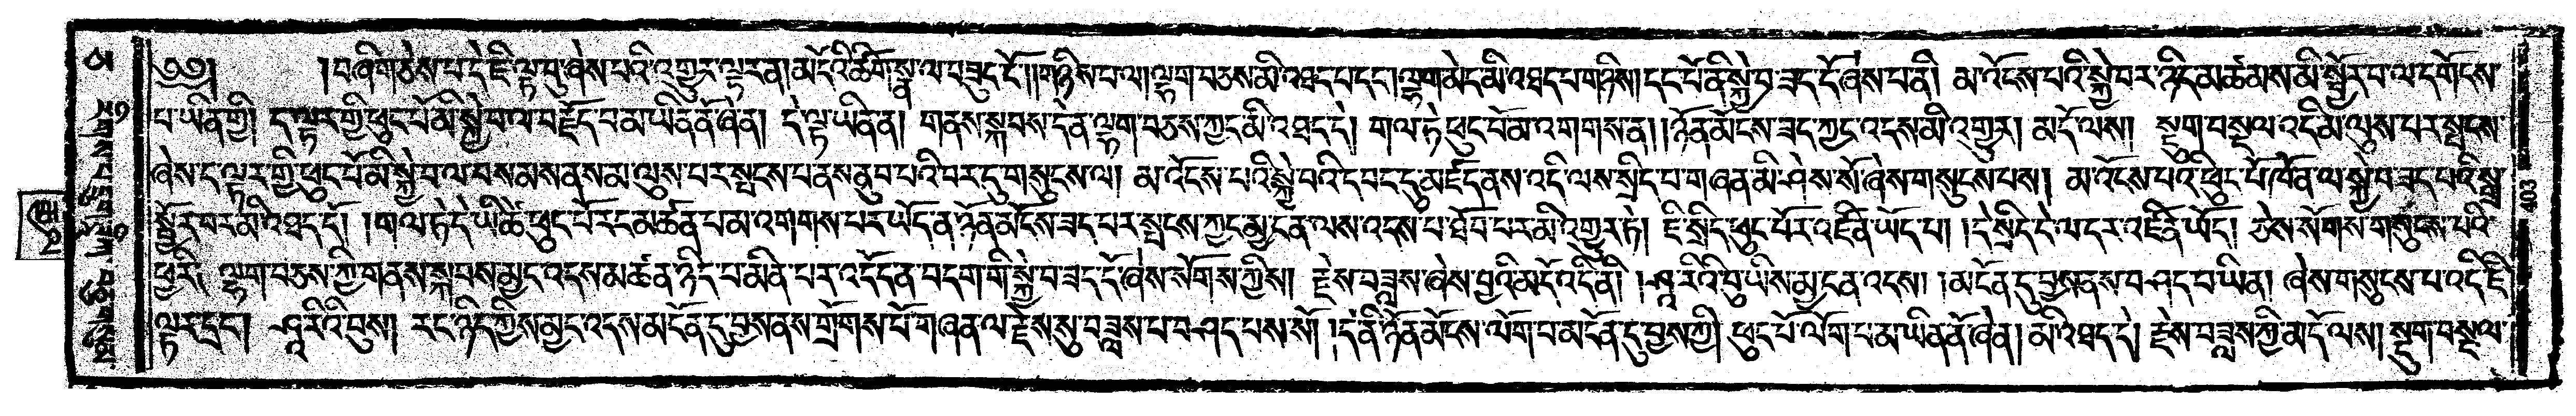༄༅། །བཞིག་ཅེས་པ་དེ་ཇི་ལྟ་བུ་ཞེས་པའི་འགྱུར་ལྟར་ན། མདོའི་ཚིག་སྣ་ལ་བཟུང་ངོ། །གཉིས་པ་ལ། ལྷག་བཅས་མི་འཐད་པ་དང་། ལྷག་མེད་མི་འཐད་པ་གཉིས། དང་པོ་ནི་སྐྱེ་བ་ཟད་དོ་ཞེས་པ་ནི། མ་འོངས་པའི་སྐྱེ་བར་ཉིད་མཚམས་མི་སྦྱོར་བ་ལ་དགོངས་
པ་ཡིན་གྱི། ད་ལྟར་གྱི་ཕུང་པོ་མི་སྐྱེ་བ་ལ་བརྗོད་པ་མ་ཡིན་ནོ་ཞེ་ན། དེ་ལྟ་ཡིན་ན། གནས་སྐབས་དེ་ན་ལྷག་བཅས་ཀྱང་མི་འཐད་དེ། གལ་ཏེ་ཕུང་པོ་མ་འགགས་ན། །ཉོན་མོངས་ཟད་ཀྱང་འདས་མི་འགྱུར། མདོ་ལས། སྡུག་བསྔལ་འདི་མ་ལུས་པར་སྤངས་
ཞེས་ད་ལྟར་གྱི་ཕུང་པོ་མི་སྐྱེ་བ་ལ་བསམས་ནས་མ་ལུས་པར་སྤངས་པ་ནས་ནུབ་པའི་བར་དུ་གསུངས་ལ། མ་འོངས་པའི་སྐྱེ་བའི་དབང་དུ་མཛད་ནས་འདི་ལས་སྲིད་པ་གཞན་མི་ཤེས་སོ་ཞེས་གསུངས་པས། མ་འོངས་པའི་ཕུང་པོ་ཁོ་ན་ལ་སྐྱེ་བ་ཟད་པའི་སྒྲ་
སྦྱོར་བར་མི་འཐད་དོ། །གལ་ཏེ་དེ་ཡི་ཚེ་ཕུང་པོ་རང་མཚན་པ་མ་འགགས་པར་ཡོད་ན་ཉོན་མོངས་ཟད་པར་སྤངས་ཀྱང་མྱ་ངན་ལས་འདས་པ་ཐོབ་པར་མི་འགྱུར་ཏེ། ཇི་སྲིད་ཕུང་པོར་འཛིན་ཡོད་པ། །དེ་སྲིད་དེ་ལ་དར་འཛིན་ཡོད། ཅེས་སོགས་གསུངས་པའི་
ཕྱིར། ལྷག་བཅས་ཀྱི་གནས་སྐབས་མྱང་འདས་མཚན་ཉིད་པ་མིན་པར་འདོད་ན་བདག་གི་སྐྱེ་བ་ཟད་དོ་ཞེས་སོགས་ཀྱིས། རྗེས་བཟླས་ཞེས་བྱའི་མདོ་འདི་ནི། །ཤཱ་རིའི་བུ་ཡིས་མྱ་ངན་འདས། །མངོན་དུ་བྱས་ནས་བཤད་པ་ཡིན། ཞེས་གསུངས་པ་འདི་ཇི་
ལྟར་དྲང་། ཤཱ་རིའི་བུས། རང་ཉིད་ཀྱིས་མྱང་འདས་མངོན་དུ་བྱས་ནས་གྲོགས་པོ་གཞན་ལ་རྗེས་སུ་བཟླས་པ་བཤད་པས་སོ། །དེ་ནི་ཉོན་མོངས་ལོག་པ་མངོན་དུ་བྱས་ཀྱི། ཕུང་པོ་ལོག་པ་མ་ཡིན་ནོ་ཞེ་ན། མི་འཐད་དེ། རྗེས་བཟླས་ཀྱི་མདོ་ལས། སྡུག་བསྔལ་